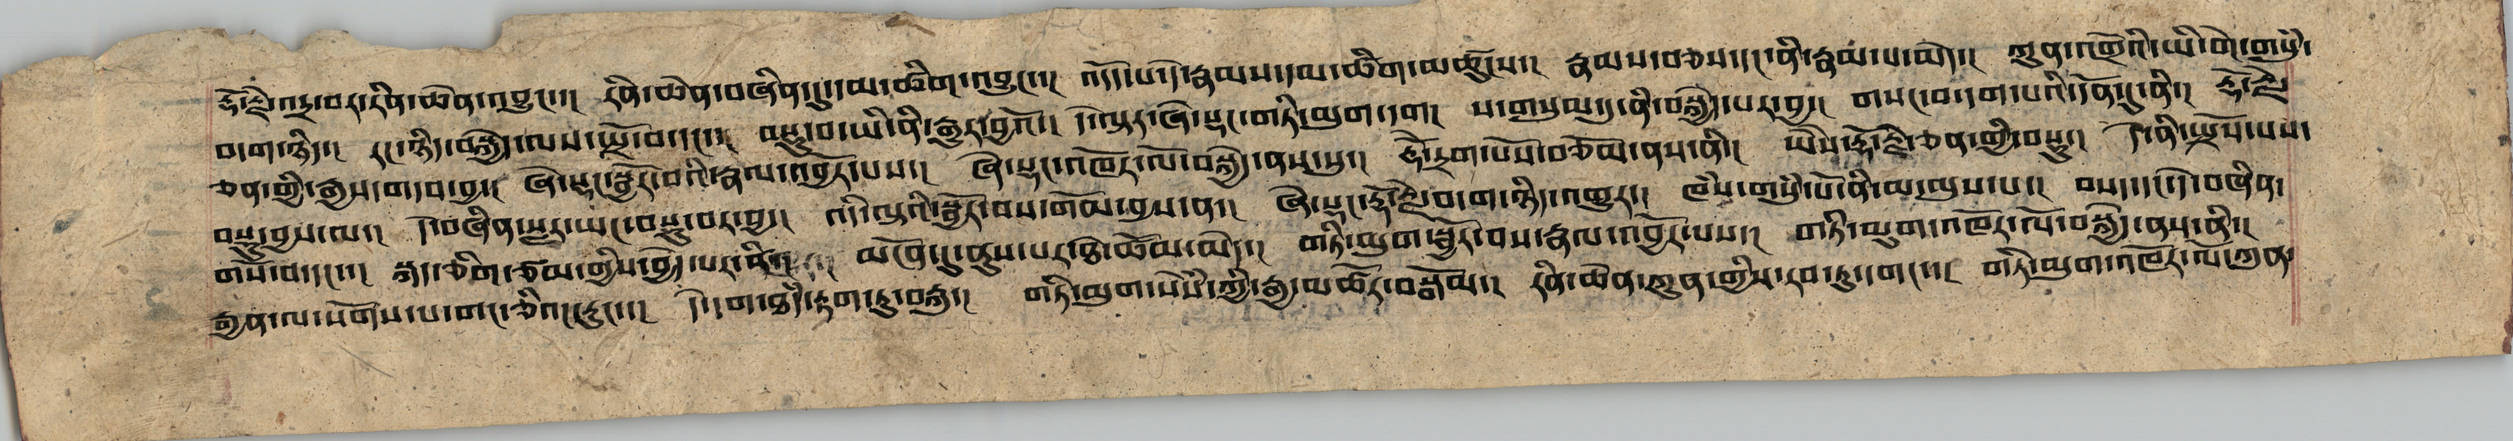རྡོ་རྗེ་འདྲ་བར་རིན་ཆེན་འབྱུང་་། རིན་ཆེན་བཞིན་དུ་དམ་ཚིག་འབྱུང་་། འདོད་པ་དེ་རྣམས་དམ་ཚིག་མཚུངས་། རྣམས་བཅས་དང་ནི་རྣམ་པ་མེད་། ཀུན་འགྲོའི་ཡི་གེ་གསུཾ་
བདག་ཉིད་། རང་ཉིད་བསྐྱེད་ལས་སྤྲོ་བ་དང་་། བསྡུ་བ་ཡི་ནི་རྒྱུར་བྱའོ་། དེ་ལྟར་ཞེ་སྡང་གཏི་མུག་དག། ས་གསུམ་དུ་ནི་བསྐྱེད་པར་བྱ་། གསང་བ་དག་པའི་དོན་དུ་ནི་། རྡོ་རྗེ་
ཅན་གྱི་རྒྱས་གདབ་བྱ་། ཞེ་སྡང་སྦྱོར་བའི་རྣལ་འབྱོར་པས་། ཞེ་སྡང་འཁོར་ལོ་བསྐྱེད་ནས་སུ་། རྡོེ་དྲག་པོས་བཅོམ་ནས་ནི་། ཡཻས་རྡོ་རྗེ་ཅན་གྱི་བསྡུ་། དེ་ནི་སྤྲོས་པས་
བསྡུ་བྱས་ལ་། དེ་བཞིན་སླར་ཡང་བསྡུ་བར་བྱ་། འདི་ལྟའི་སྦྱོར་བས་གོམ་བྱས་ན་། ཤེ་སྡང་རྡོ་རྗེ་བདག་ཉིད་འགྱུར་། ཁཾས་གསུཾ་པོ་ནི་མ་ལུས་པ་། བསད་དང་དེ་བཞིན་
གསོ་བ་དང་་། སྐད་ཅིག་ཙམ་གྱིས་བྱེད་པར་ནི་། མངོན་དུ་ནུས་པར་ཐེ་ཚོམ་མེད་། གཏི་མུག་སྦྱོར་བས་རྣལ་འབྱོར་པས་། གཏི་མུག་འཁོར་ལོ་བསྐྱེད་ནས་ནི་།
རྒྱན་ལ་སོགས་པ་གང་ཅིའང་རུང་་། དེ་དག་ཐཾད་རྟག་ཏུ་བརྐུ་། གཏི་མུག་སེཾས་ཀྱི་རྒྱ་མཚོར་བསྒོམ་། རིན་ཆེན་ཀུན་གྱིས་རབ་ཏུ་དགང་་། གཏི་མུག་འཁོར་ལོ་ཀུན་